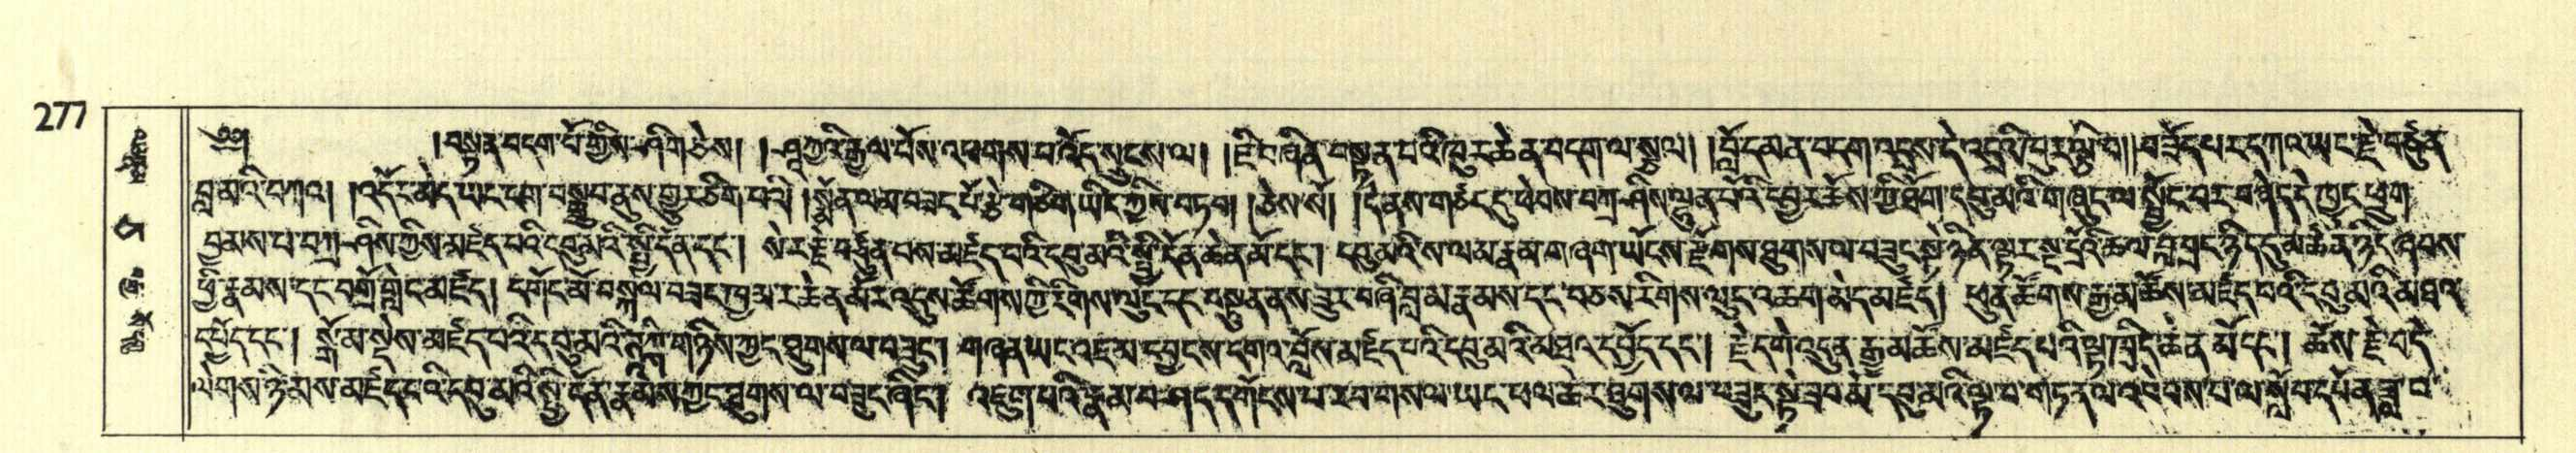༄༅། །བསྟན་བདག་པོ་གྱིས་ཤིག་ཅེས། །ཤཱཀྱའི་རྒྱལ་པོས་འཕགས་པ་འོད་སྲུངས་ལ། །ཇི་བཞིན་བསྟན་པའི་ཁུར་ཆེན་བདག་ལ་སྩལ། །བློ་དམན་བདག་འདྲས་དེ་འདྲའི་ཁུར་ལྕི་བ། །བཟོད་པར་དཀའ་ཡང་རྗེ་བཙུན་
བླ་མའི་བཀའ། །འདོར་མེད་ཡང་ངག་བསྒྲུབ་ནུས་གྱུར་ཅིག་བའི། །སྨོན་ལམ་བཟང་པོ་རྩེ་གཅིག་ཡིད་ཀྱིས་བཏབ། །ཅེས་སོ། །དེ་ནས་གཙང་དུ་ཕེབས་བཀྲ་ཤིས་ལྷུན་པོའི་དབྱར་ཆོས་ཀྱི་ཐོག་དབུ་མའི་གཞུང་ལ་སྦྱོང་བར་བཞེད་དེ་ཁྱུང་ཕྲུག་
བྱམས་པ་བཀྲ་ཤིས་ཀྱིས་མཛད་བའི་དབུ་མའི་སྤྱི་དོན་དང་། སེར་རྗེ་བཙུན་བས་མཛད་བའི་དབུ་མའི་སྤྱི་དོན་ཆེན་མོ་དང་། དབུ་མའི་ས་ལམ་རྣམ་གཞག་ཡོངས་རྫོགས་ཐུགས་ལ་བཟུང་སྟེ་ཉིན་ལྟར་སྔ་དྲོའི་ཆ་ལ་བླ་བྲང་ཉིད་དུ་མཚན་ཉིད་ཞབས་
ཕྱི་རྣམས་དང་བགྲོ་གླེང་མཛད། དགོང་མོ་བསྐལ་བཟང་ཁྱམ་ར་ཆེན་མོར་འདུས་ཚོགས་ཀྱི་རིགས་ལུང་དང་བསྟུན་ནས་ཟུར་བཞི་བླ་མ་རྣམས་དང་བཅས་རིགས་ལུང་འཆག་མེད་མཛད། ཕུན་ཚོགས་རྒྱ་མཚོས་མཛད་པའི་དབུ་མའི་མཐའ་
དཔྱོད་དང་། སྒོམ་སྡེས་མཛད་བའི་དབུ་མའི་ཊཱཀྐི་གཉིས་ཀྱང་ཐུགས་ལ་བཟུང་། གཞན་ཡང་འཇམ་དབྱངས་དགའ་བློས་མཛད་པའི་དབུ་མའི་མཐའ་དཔྱོད་དང་། རྗེ་དགེ་འདུན་རྒྱ་མཚོས་མཛད་པའི་ལྟ་ཁྲིད་ཆེན་མོ་དང་། ཆོས་རྗེ་བདེ་
ལེགས་ཉི་མས་མཛད་པའི་དབུ་མའི་སྤྱི་དོན་རྣམས་ཀྱང་ཐུགས་ལ་བཟུང་ཞིང་། འཇུག་པའི་རྣམ་བཤད་དགོངས་པ་རབ་གསལ་ཡང་ཕལ་ཆེར་ཐུགས་ལ་བཟུང་སྟེ་ཟབ་མོ་དབུ་མའི་ལྟ་བ་གཏན་ལ་འབེབས་པ་ལ་སློབ་དཔོན་ཟླ་བ་